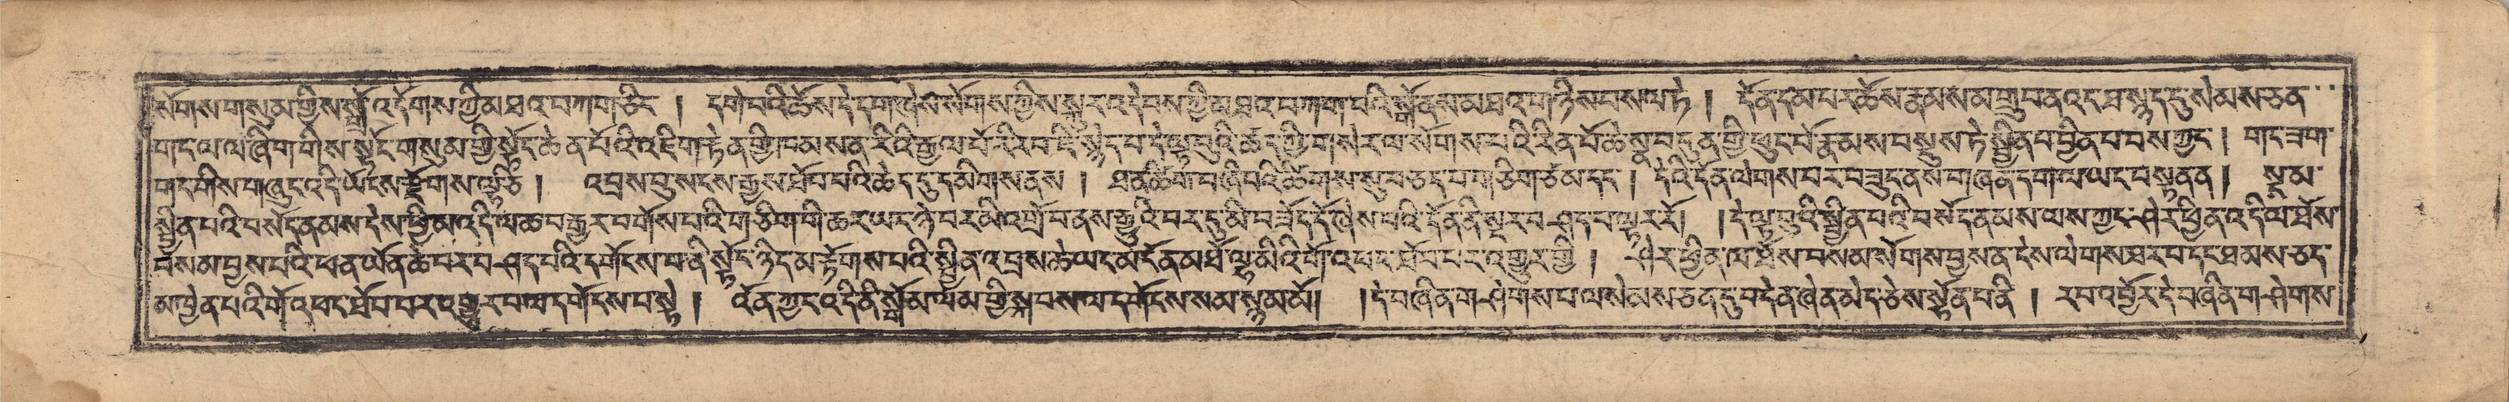སོགས་གསུམ་གྱིས་སྒྲོ་འདོགས་ཀྱི་མཐའ་བཀག་ཅིང་། དགེ་བའི་ཆོས་དེ་དག་ཞེས་སོགས་ཀྱིས་སྐུར་འདེབས་ཀྱི་མཐའ་འགག་པའི་སྒོ་ནས་མཐའ་གཉིས་བསལ་ཏེ། དོན་དམ་པར་ཆོས་རྣམས་མ་གྲུབ་ན་འང་ཐ་སྙད་དུ་སེམས་ཅན་
གང་ལ་ལ་ཞིག་གིས་སྟོང་གསུམ་གྱི་སྟོང་ཆེན་པོའི་འཇིག་རྟེན་གྱི་ཁམས་ན་རིའི་རྒྱལ་པོ་རི་རབ་ཇི་སྙེད་པ་དེ་ལྟ་བུའི་ཚད་ཀྱི་གསེར་ལ་སོགས་པའི་རིན་པོ་ཆེ་སྣ་བདུན་གྱི་ཕུང་པོ་རྣམས་བསྡུས་ཏེ་སྦྱིན་པ་བྱིན་པ་བས་ཀྱང་། གང་ཟག་
གང་གིས་གཞུང་འདི་ཡོངས་རྫོགས་ལྟ་ཅི། འབྲས་བུ་སངས་རྒྱས་ཐོབ་པའི་ཆེད་དུ་དམིགས་ནས། ཐ་ན་ཚིག་བཞི་པའི་ཚིགས་སུ་བཅད་པ་གཅིག་ཙམ་དང་། དེའི་དོན་ལེགས་པར་བཟུང་ནས་གཞན་དག་ལ་ཡང་བསྟན་ན། སྔ་མ་
སྦྱིན་པའི་བསོད་ནམས་དེས་ཕྱི་མ་འདི་ལ་ཆ་བརྒྱར་བགོས་པའི་གཅིག་གི་ཆར་ཡང་ཉེ་བར་མི་འགྲོ་བ་ནས་རྒྱུའི་བར་དུ་མི་བཟོད་དོ་ཞེས་པའི་དོན་ནི་སྔར་བཤད་པ་ལྟར་རོ། །དེ་ལྟ་བུའི་སྦྱིན་པའི་བསོད་ནམས་ལས་ཀྱང་ཤེར་ཕྱིན་འདི་ལ་ཐོས་
བསམ་བྱས་པའི་ཕན་ཡོན་ཆེ་བར་བཤད་པའི་དགོངས་པ་ནི་སྟོང་ཉིད་མ་རྟོགས་པའི་སྦྱིན་འབྲས་ཆེ་ཡང་མངོན་མཐོ་ལྷ་མིའི་གོ་འཕང་ཐོབ་པར་འགྱུར་གྱི། ཤེར་ཕྱིན་ལ་ཐོས་བསམ་སོགས་བྱས་ན་ངེས་ལེགས་ཐར་པ་དང་ཐམས་ཅད་
མཁྱེན་པའི་གོ་འཕང་ཐོབ་པར་འགྱུར་བ་ལ་དགོངས་པ་སྟེ། འོན་ཀྱང་འདི་ནི་སྒོམ་ལམ་གྱི་སྐབས་ལ་དགོངས་སམ་སྙམ་མོ། །དེ་བཞིན་གཤེགས་པ་ལ་སེམས་ཅན་དུ་བདེན་ཞེན་མེད་ཅེས་སྟོན་པ་ནི། རབ་འབྱོར་དེ་བཞིན་གཤེགས་